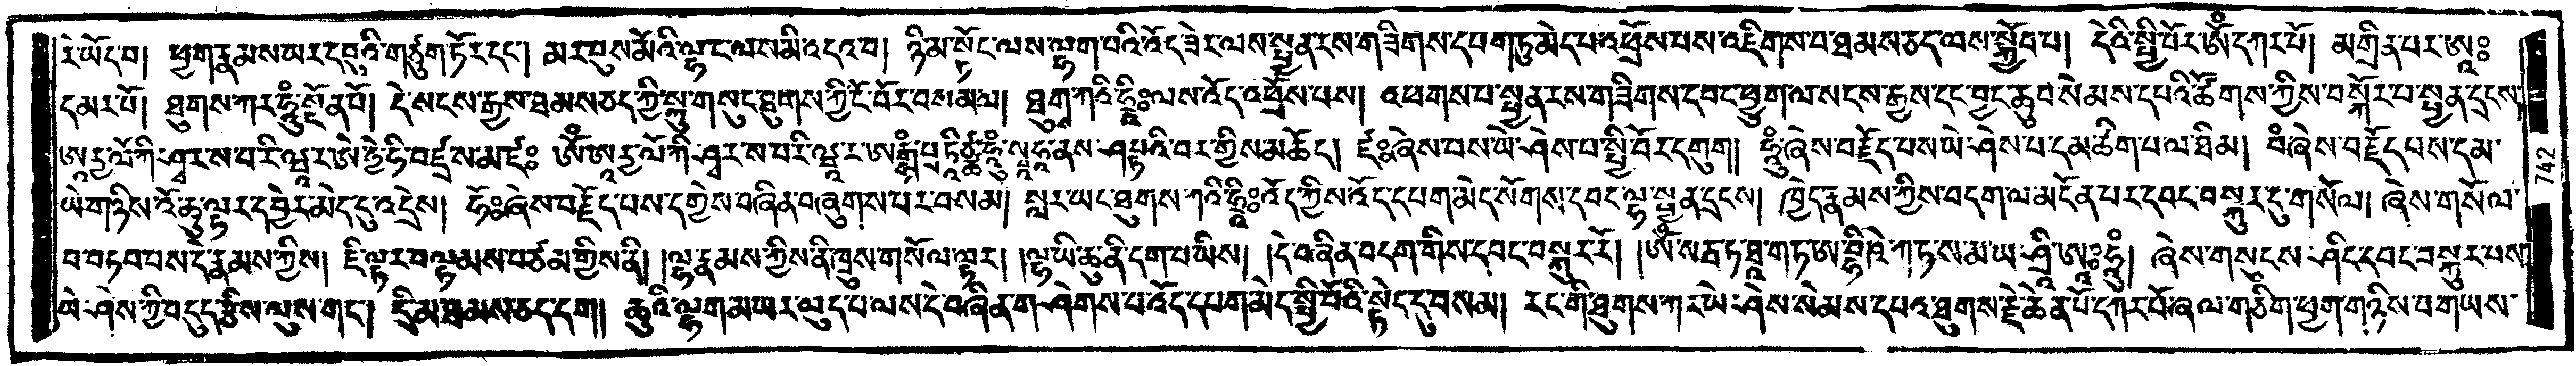རེ་ཡོད་པ། ཕྱག་རྣམས་ཡར་དབུའི་གཙུག་ཏོར་དང་། མར་བུས་མོའི་ལྷ་ངལ་པ་མི་འདའ་བ། ཉི་མ་སྟོང་ལས་ལྷག་པའི་འོད་ཟེར་ལས་སྤྱན་རས་གཟིགས་དཔག་ཏུ་མེད་པ་འཕྲོས་པས་འཇིགས་པ་ཐམས་ཅད་ལས་སྐྱོབ་པ། དེའི་སྤྱི་པོར་ཨོཾ་དཀར་པོ། མགྲིན་པར་ཨཱཿ
དམར་པོ། ཐུགས་ཀར་ཧཱུཾ་སྔོན་པོ། དེ་སངས་རྒྱས་ཐམས་ཅད་ཀྱི་སྐུ་གསུང་ཐུགས་ཀྱི་ངོ་བོར་བསམ་ལ། ཐུགས་ཀའི་ཧྲཱིཿ ལས་འོད་འཕྲོས་པས། འཕགས་པ་སྤྱན་རས་གཟིགས་དབང་ཕྱུག་ལ་སངས་རྒྱས་དང་བྱང་ཆུབ་སམས་དཔའི་ཚོགས་ཀྱིས་བསྐོར་པ་སྤྱན་དྲངས་
ཨཱརྱ་ལོ་ཀི་ཤྭར་ས་པ་རི་ཝཱར་ཨེ་ཧྱེ་ཧི་བཛྲས་མ་ཛཿ ཨོཾ་ཨཱརྱ་ལོ་ཀི་ཤྭར་ས་པ་རི་ཝཱ་ར་ཨརྒྷཾ་པྲ་ཏཱི་ཙྪ་ཧཱུཾ་སྭཱཧཱ་ནས་ཤཔྟའི་བར་གྱིས་མཆོད། ཛཿ ཞེས་པས་ཡེ་ཤེས་པ་སྤྱི་བོར་དགུག། ཧཱུཾ་ཞེས་བརྗོད་པས་ཡེ་ཤེས་པ་དམ་ཚིག་པ་ལ་ཐིམ། བཾ་ཞེས་བརྗོད་པས་དམ་
ཡེ་གཉིས་འོ་ཆུ་ལྟར་དབྱེར་མེད་དུ་འདྲེས། ཧོཿ ཞེས་བརྗོད་པས་དགྱེས་བཞིན་བཞུགས་པར་བསམ། སླར་ཡང་ཐུགས་ཀའི་ཧྲཱིཿ འོད་ཀྱིས་འོད་དཔག་མེད་སོགས་དབང་ལྷ་སྤྱན་དྲངས། ཁྱེད་རྣམས་ཀྱིས་བདག་ལ་མངོན་པར་དང་བསྐུར་དུ་གསོལ། ཞེས་གསོལ་
བ་བཏབ་པས་དེ་རྣམས་ཀྱིས། ཇི་ལྟར་བལྟམས་པ་ཙམ་གྱིས་ནི། །ལྷ་རྣམས་ཀྱིས་ནི་ཁྲུས་གསོལ་ལྟར། །ལྷ་ཡི་ཆུ་ནི་དག་པ་ཡིས། །དེ་བཞིན་བདག་གིས་དབང་བསྐུར་རོ། །ཨོཾ་སརྦ་ཏ་ཐཱ་ག་ཏ་ཨ་བྷི་ཥེ་ཀ་ཏ་ས་མ་ཡ་ཤྲཱི་ཨཱ༑ ཧཱུཾ། ཞེས་གསུངས་ཤིང་དབང་བསྐུར་པས་
ཡེ་ཤེས་ཀྱི་བདུད་རྩིས་ལུས་གང་། དྲི་མ་ཐམས་ཅད་དག། ཆུའི་ལྷག་མ་ཡར་ལུད་པ་ལས་དེ་བཞིན་གཤེགས་པ་འོད་དཔག་མེད་སྤྱི་བོའི་སྟེང་དུ་བསམ། རང་གི་ཐུགས་ཀར་ཡེ་ཤེས་སེམས་དཔའ་ཐུགས་རྗེ་ཆེན་པོ་དཀར་པོ་ཞལ་གཅིག་ཕྱག་གཉིས་པ་གཡས་